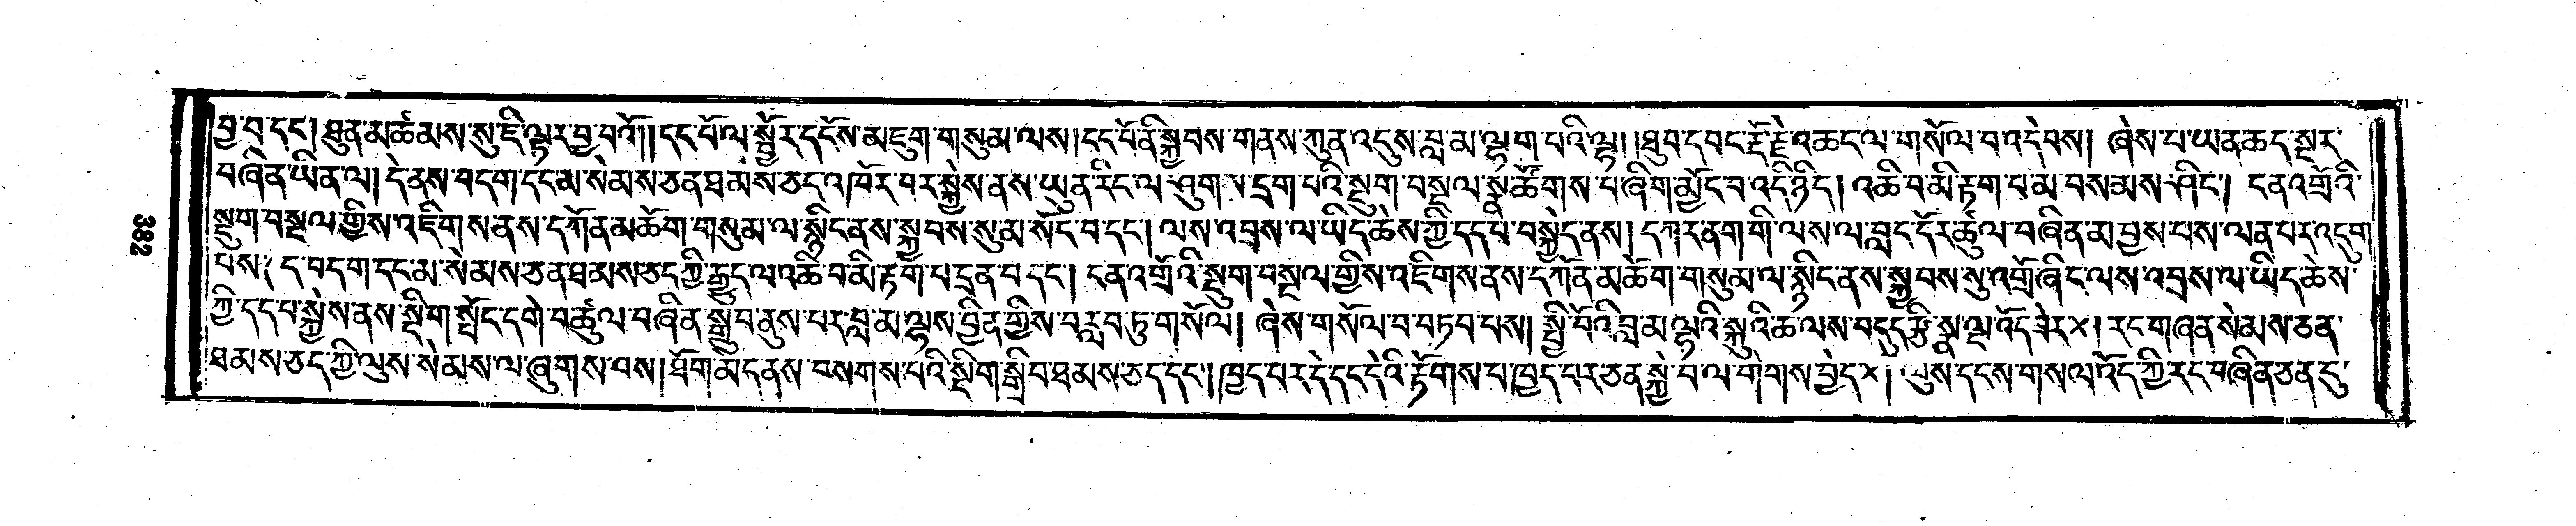བྱ་བ་དང་། ཐུན་མཚམས་སུ་ཇི་ལྟར་བྱ་བའོ། །དང་པོ་ལ་སྦྱོར་དངོས་མཇུག་གསུམ་ལས། དང་པོ་ནི་སྐྱབས་གནས་ཀུན་འདུས་བླ་མ་ལྷག་པའི་ལྷ། །ཐུབ་དབང་རྡོ་རྗེ་འཆང་ལ་གསོལ་བ་འདེབས། ཞེས་པ་ཡན་ཆད་སྔར་
བཞིན་ཡིན་ལ། དེ་ནས་བདག་དང་མ་སེམས་ཅན་ཐམས་ཅད་འཁོར་བར་སྐྱེས་ནས་ཡུན་རིང་ལ་ཤུགས་དྲག་པའི་སྡུག་བསྔལ་སྣ་ཚོགས་པ་ཞིག་མྱོང་བ་འདི་ཉིད། འཆི་བ་མི་རྟག་པ་མ་བསམས་ཤིང་། ངན་འགྲོའི་
སྡུག་བསྔལ་གྱིས་འཇིགས་ནས་དཀོན་མཆོག་གསུམ་ལ་སྙིང་ནས་སྐྱབས་སུ་མ་སོང་བ་དང་། ལས་འབྲས་ལ་ཡིད་ཆེས་ཀྱི་དད་པ་བསྐྱེད་ནས། དཀར་ནག་གི་ལས་ལ་བླང་དོར་ཚུལ་བཞིན་མི་བྱས་པས་ལན་པར་འདུག་
པས། ད་བདག་དང་མ་སེམས་ཅན་ཐམས་ཅད་ཀྱི་རྒྱུད་ལ་འཆི་བ་མི་རྟག་པ་དྲན་པ་དང་། ངན་འགྲོའི་སྡུག་བསྔལ་གྱིས་འཇིགས་ནས་དཀོན་མཆོག་གསུམ་ལ་སྙིང་ནས་སྐྱབས་སུ་འགྲོ་ཞིང་ལས་འབྲས་ལ་ཡིད་ཆེས་
ཀྱི་དད་པ་སྐྱེས་ནས་སྡིག་སྤོང་དགེ་བ་ཚུལ་བཞིན་སྒྲུབ་ནུས་པར་བླ་མ་ལྷས་བྱིན་གྱིས་བརླབ་ཏུ་གསོལ། ཞེས་གསོལ་བ་བཏབ་པས། སྤྱི་བོའི་བླ་མ་ལྷའི་སྐུའི་ཆ་ལས་བདུད་རྩི་སྣ་ལྔ་འོད་ཟེར་྾། རང་གཞན་སེམས་ཅན་
ཐམས་ཅད་ཀྱི་ལུས་སེམས་ལ་ཞུགས་པས། ཐོག་མེད་ནས་བསགས་པའི་སྡིག་སྒྲིབ་ཐམས་ཅད་དང་། ཁྱད་པར་དེ་དང་དེའི་རྟོགས་པ་ཁྱད་པར་ཅན་སྐྱེ་བ་ལ་གེགས་བྱེད་྾། ལུས་དངས་གསལ་འོད་ཀྱི་རང་བཞིན་ཅན་དུ་